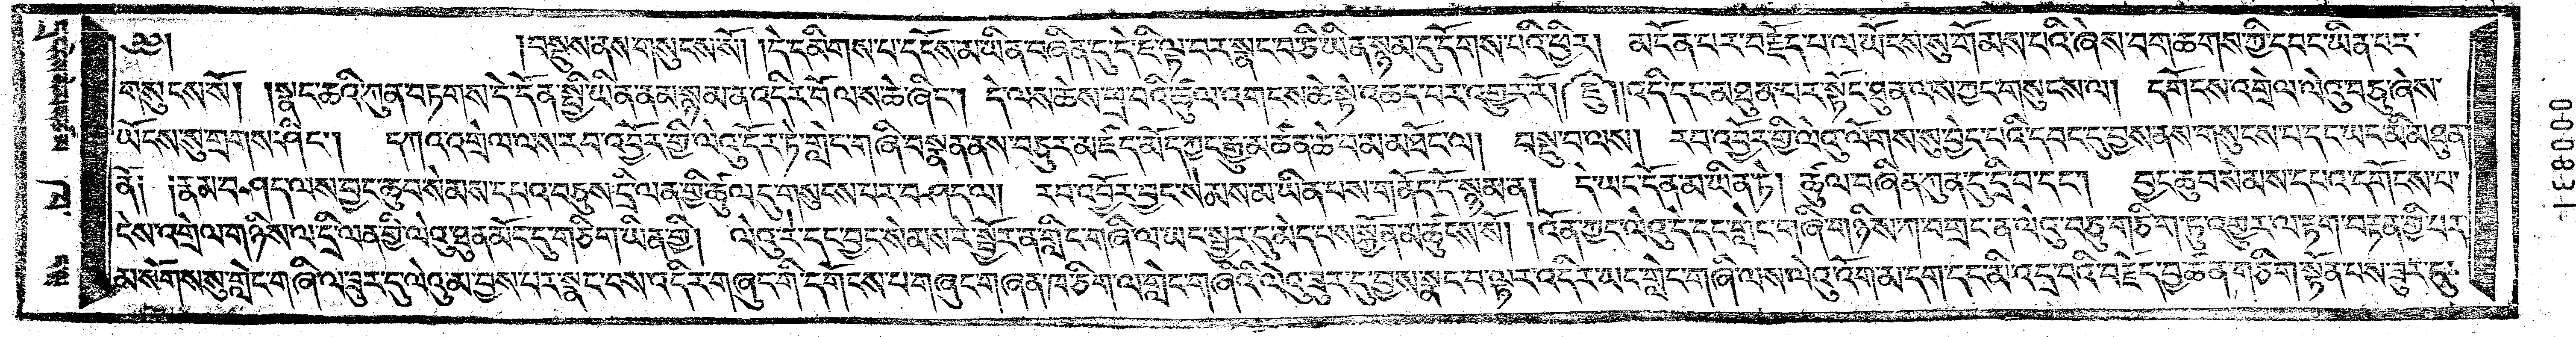༄༅། །བསྡུས་ནས་གསུངས་སོ། །དེ་དམིགས་པ་དངོས་མ་ཡིན་བཞིན་དུ་དེ་ཇི་ལྟ་བར་སྣང་བ་ཅི་ཡིན་སྙམ་དུ་དོགས་པའི་ཕྱིར། མངོན་པར་བརྗོད་པ་ལ་ཡོངས་སུ་གོམས་པའི་ཞེས་བག་ཆགས་ཀྱི་དབང་ཡིན་པར་
གསུངས་སོ། །སྣང་ཆའི་ཀུན་བཏགས་དེ་དོན་སྤྱི་ཡིན་ནམ་སྙམ་ན་འདིར་གོལ་ས་ཆེ་ཞིང་། དེ་ལས་ཆེས་ཕྲ་བའི་ཚུལ་འགངས་ཆེ་སྟེ་འཆད་པར་འགྱུར་རོ། ༼ཇུ༽ །འདི་དང་མཐུན་པར་སྟོང་ཐུན་ལས་ཀྱང་གསུངས་ལ། དགོངས་འགྲེལ་ལེའུ་བཅུ་ཞེས་
ཡོངས་སུ་གྲགས་ཤིང་། དཀའ་འགྲེལ་ལས་རབ་འབྱོར་གྱི་ལེའུ་དོར་ཏེ་གླེང་གཞི་བསྣན་ནས་བཅུར་མཛད་མོད་ཀྱང་རྒྱུ་མཚན་ཆེ་བ་མ་མཐོང་ལ། བསྡུ་བ་ལས། རབ་འབྱོར་གྱི་ལེའུ་ལོགས་སུ་བྱེད་པའི་དབང་དུ་བྱས་ནས་གསུངས་པ་དང་ཡང་མི་མཐུན་
ནོ༑ ༑རྣམ་བཤད་ལས་བྱང་ཆུབ་སེམས་དཔའ་བཅུས་དྲི་ལན་གྱི་ཚུལ་དུ་གསུངས་པར་བཤད་ལ། རབ་འབྱོར་བྱང་སེམས་མ་ཡིན་པས་གནོད་དོ་སྙམ་ན། དེ་ཡང་དོན་མ་ཡིན་ཏེ། ཚུལ་བཞིན་ཀུན་དུ་དྲི་བ་དང་། བྱང་ཆུབ་སེམས་དཔའ་དགོངས་པ་
ངེས་འགྲེལ་གཉིས་ལ་དྲི་ལན་གྱི་ལེའུ་ཐུན་མོང་དུ་གཅིག་ཡིན་གྱི། ལེའུ་རེ་དང་བྱང་སེམས་རེ་སྦྱོར་ན་གླེང་གཞི་ལ་ཡང་སྦྱར་དུ་མེད་པས་སྐྱོན་མཚུངས་སོ། །འོན་ཀྱང་ལེའུ་དེ་དང་གླེང་གཞི་གཉིས་ཀ་བགྲང་ན་ལེའུ་བཅུ་གཅིག་ཏུ་འགྱུར་ལ་རྟག་བརྟན་གྱི་པར་
མ་སོགས་སུ་གླེང་གཞི་ལ་ཟུར་དུ་ལེའུ་མ་བྱས་པར་སྣང་བས་འདིར་གཞུང་གི་དགོངས་པ་གཞུང་གཞན་ཁ་ཅིག་ལ་གླེང་གཞིའི་ལེའུ་ཟུར་དུ་བྱས་སྣང་བ་ལྟར་འདིར་ཡང་གླེང་གཞི་ལས་ལེའུ་འོག་མ་དག་དང་མི་འདྲ་བའི་བརྗོད་བྱ་ཚན་གཅིག་སྟོན་པས་ཟུར་དུ་